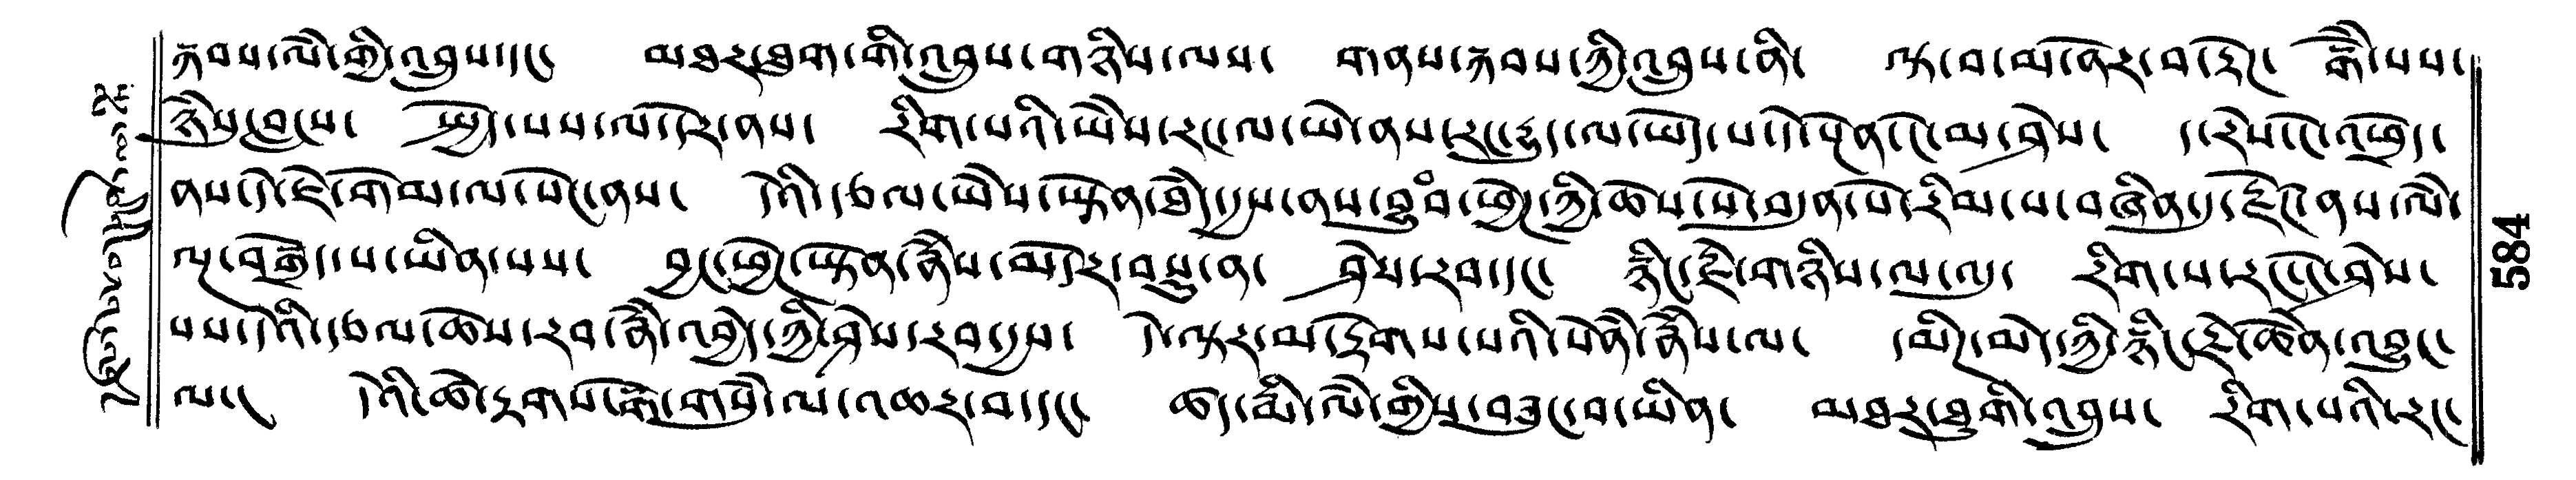སྐབས་ལམ་གྱི་འབྲས་བུ་དང་། མཐར་ཐུག་གི་འབྲས་བུ་གཉིས་ལས། གནས་སྐབས་ཀྱི་འབྲས་བུ་ནི། ལྟ་བ་མ་ནོར་བ་རྟོགས། སྒོམ་པས་
ཉམས་སུ་བླངས། སྤྱོད་པས་ལ་དོར་ནས། རིག་པའི་ཡེ་ཤེས་རང་ལ་ཡེ་ནས་རང་རྒྱུད་ལ་ཡོད་པ་དེ་སྔོན་ངོ་མ་ཤེས། ད་རེས་ངོ་འཕྲོད་
ནས་དེ་ཇེ་གོམ་ལ་སོང་ནས། དེའི་རྩལ་ཡེ་ཤེས་ཡོན་ཏན་ཐམས་ཅད་རྒྱས་ནས་བྱང་ཆུབ་ཕྱོགས་ཀྱི་ཆོས་སོ་བདུན་པོ་རིམ་པ་བཞིན་དུ་རྫོགས་ནས་ལམ་
ལྔ་བསྒྲོད་པ་ཡིན་པས། བྱང་ཕྱོགས་ཡོན་ཏན་རྣམས་མདོར་བསྡུ་ན། ཤེས་རབ་དང་། སྙིང་རྗེ་གཉིས་ལ་འདུ། རིག་པ་རང་ངོ་ཤེས་
པས་དེའི་རྩལ་ཆོས་རབ་རྣམ་འབྱེད་ཀྱི་ཤེས་རབ་རྒྱས།དེ་ལྟར་མ་རྟོགས་པའི་སེམས་ཅན་རྣམས་ལ། དམིགས་མེད་ཀྱི་སྙིང་རྗེ་ཆེན་པོ་འབྱུང་
ལ། དེའི་ཚེ་རྟགས་སྒོ་གསུམ་ལ་འཆར་བ་དང་། ཚད་རྨི་ལམ་གྱིས་བཟུང་བ་ཡིན། མཐར་ཐུག་གི་འབྲས་བུ། རིག་པའི་རང་